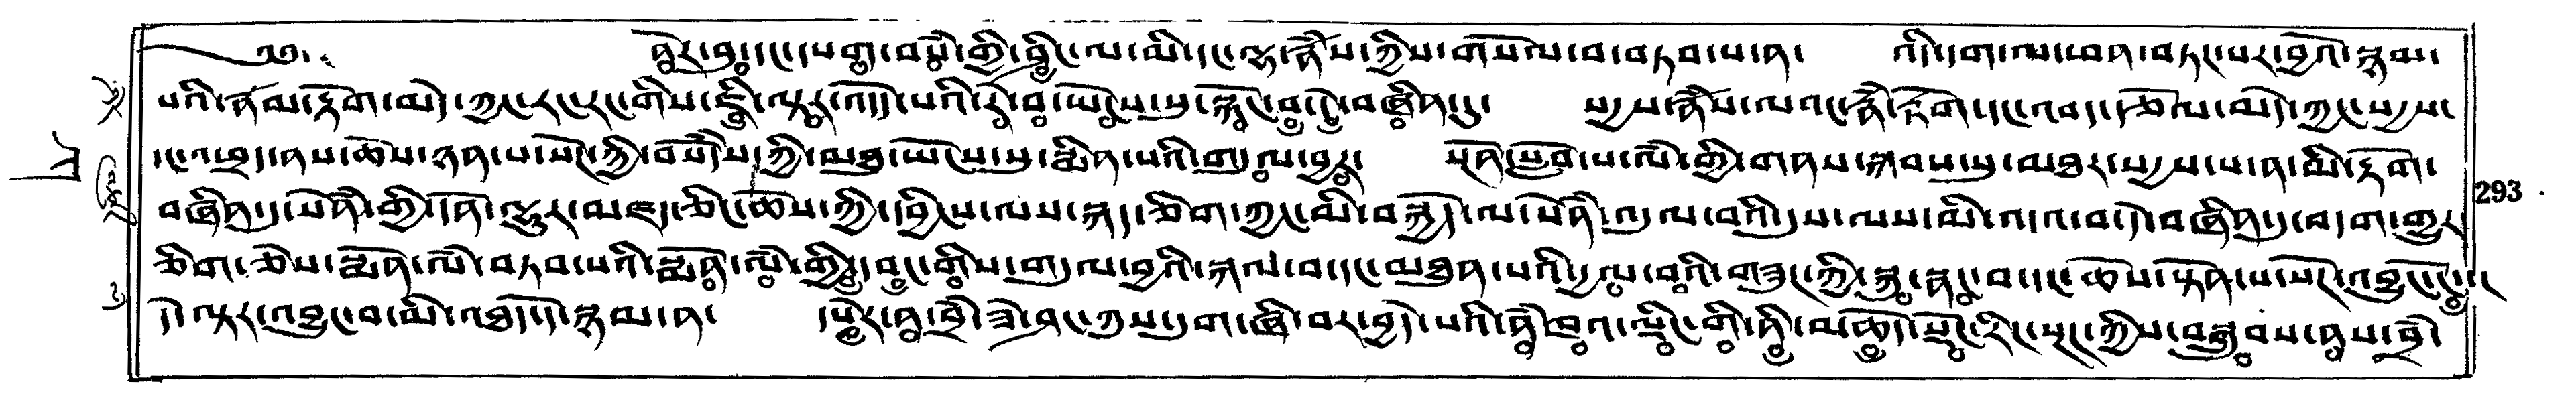ནོར་བུ་དང་དཔག་བསམ་གྱི་ཤིང་ལ་མི་དང་ལྷ་རྣམས་ཀྱིས་གསོལ་བ་བཏབ་པ་ན། འདི་དག་ལ་ཕན་བཏགས་པར་བྱའོ་སྙམ་
པའི་རྣམ་རྟོག་མེད་ཀྱང་རང་རང་གིས་ཇི་ལྟར་འདོད་པའི་རེ་བ་ཡོངས་སུ་སྐོང་བ་དེ་བཞིན་དུ། སངས་རྒྱས་རྣམས་ལའང་རྣམ་རྟོག་དང་འབད་རྩོལ་མེད་ཀྱང་སངས་རྒྱས་
དང་འཕྲད་ནས་ཆོས་ཉན་པ་སོགས་ཀྱི་བསོད་ནམས་ཀྱི་མཐུ་ཡོངས་སུ་སྨིན་པའི་གདུལ་བྱར། སྔོན་སློབ་པ་ལམ་གྱི་གནས་སྐབས་སུ་མཐར་སངས་རྒྱས་པ་ན་མི་རྟོག་
བཞིན་དུ་སེམས་ཅན་གྱི་དོན་ལྷུར་མཛད་ཅིང་ཆོས་ཀྱི་དབྱིངས་ལས་སྐད་ཅིག་ཀྱང་མི་བསྐྱོད་ལ་སེམས་ཅན་འདུལ་བའི་དུས་ལས་མི་འདའ་བ་དེ་བཞིན་དུ་བདག་གྱུར་
ཅིག་ཅེས་སྨོན་ལམ་བཏབ་པའི་སྨོན་ལམ་གྱི་དབང་གིས་གདུལ་བྱའི་སྐལ་བ་དང་མཐུན་པའི་རྒྱལ་བའི་གཟུགས་ཀྱི་སྐུ་སྣང་བ་དང་ཆོས་སྟོན་པ་སོགས་འབྱུང་ངོ་།། 
དེ་ལྟར་འབྱུང་བ་མི་འཐད་དོ་སྙམ་ན། དཔེར་ན་བྲམ་ཟེ་ཤང་ཀུས་དུག་ཞི་བར་བྱེད་པའི་ནམ་མཁའ་ལྡིང་གི་ནི་མཆོད་སྡོང་རིགས་སྔགས་ཀྱིས་བསྒྲུབས་ནས་བྲམ་